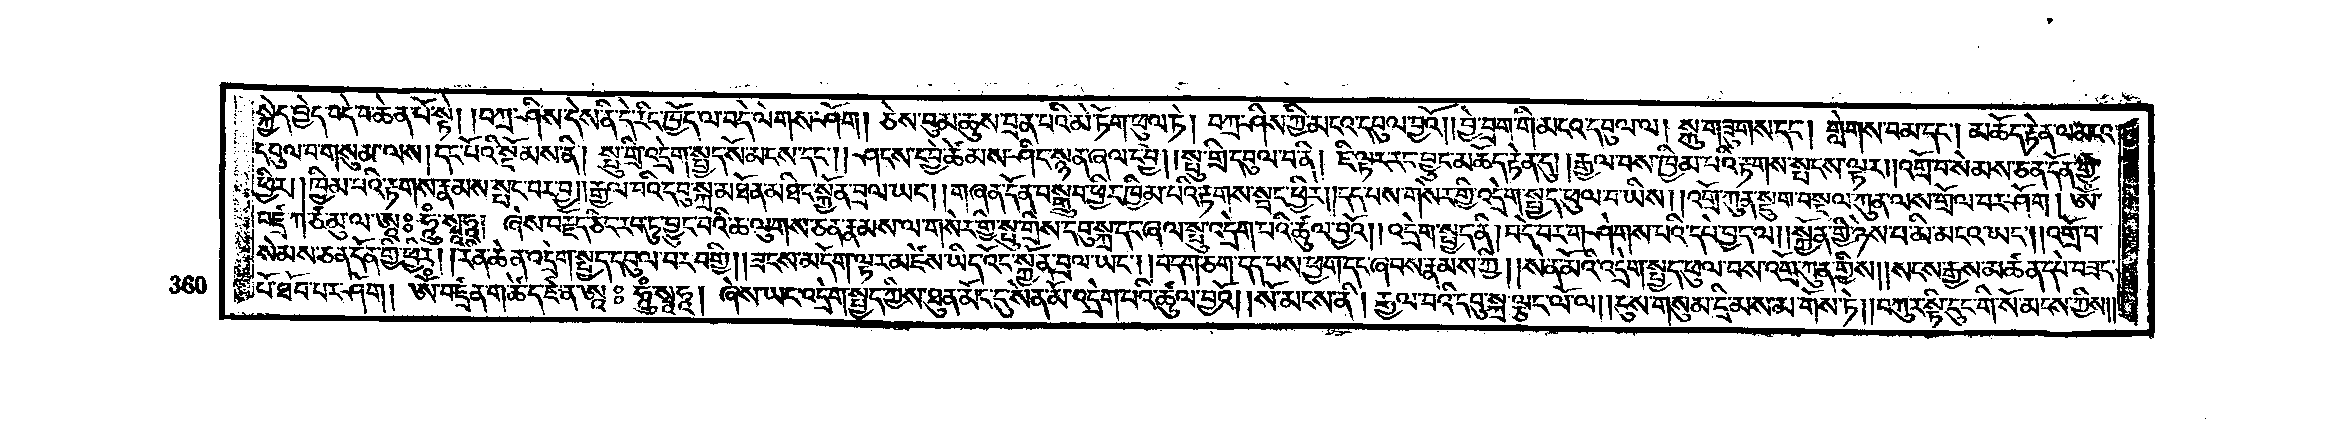སྐྱེད་བྱེད་བདེ་བ་ཆེན་པོ་སྟེ། །བཀྲ་ཤིས་དེས་ནི་དེ་རིང་ཁྱོད་ལ་བདེ་ལེགས་ཤོག །ཅེས་བུམ་ཆུས་བྲན་པའི་མེ་ཏོག་ཕུལ་ཏེ། བཀྲ་ཤིས་ཀྱི་མངའ་དབུལ་བྱའོ། །བྱེ་བྲག་གི་མངའ་དབུལ་ལ། སྐུ་གཟུགས་དང་། གླེགས་བམ་དང་། མཆོད་རྟེན་ལ་མངའ་
དབུལ་བ་གསུམ་ལས། དང་པོའི་སྡོམས་ནི། སྤུ་གྲི་འདྲེག་སྤྱད་སོ་མངས་དང་། །ཤངས་དབྱེ་ཚེམས་ཤིང་སྙན་ཞལ་དབྱེ། །སྤུ་གྲི་དབུལ་བ་ནི། ཇི་ལྟར་རང་བྱུང་མཆོད་རྟེན་དུ། །རྒྱལ་བས་ཁྱིམ་པའི་རྟགས་སྤངས་ལྟར། །འགྲོ་བ་སེམས་ཅན་དོན་གྱི་
ཕྱིར། །ཁྱིམ་པའི་རྟགས་རྣམས་སྤང་བར་བྱ། །རྒྱལ་བའི་དབུ་སྐྲ་མཐོན་མཐིང་སྐྱོན་བྲལ་ཡང་། །གཞན་དོན་བསྒྲུབ་ཕྱིར་ཁྱིམ་པའི་རྟགས་སྤང་ཕྱིར། །དད་པས་གསེར་གྱི་འདྲེག་སྤྱད་ཕུལ་བ་ཡིས། །འགྲོ་ཀུན་སྡུག་བསྔལ་ཀུན་ལས་གྲོལ་བར་ཤོག །ཨོཾ་
བཛྲ་ཀ་ཙ་མུ་ལ་ཨཱཿ ཧཱུཾ་སྭཱ་ཧཱ། ཞེས་བརྗོད་ཅིང་རབ་ཏུ་བྱུང་བའི་ཆ་ལུགས་ཅན་རྣམས་ལ་གསེར་གྱི་སྤུ་གྲིས་དབུ་སྐྲ་དང་ཞལ་སྤུ་འདྲེག་པའི་ཚུལ་བྱའོ། །འདྲེག་སྤྱད་ནི། བདེ་བར་གཤེགས་པའི་དཔེ་བྱད་ལ། །སྐྱོན་གྱི་ཉེས་པ་མི་མངའ་ཡང་། །འགྲོ་བ་
སེམས་ཅན་དོན་གྱི་ཕྱིར། །རིན་ཆེན་འདྲེག་སྤྱད་དབུལ་བར་བགྱི། །ཟངས་མདོག་ལྟར་མཛེས་ཡིད་འོང་སྐྱོན་བྲལ་ཡང་། །བདག་ཅག་དད་པས་ཕྱག་དང་ཞབས་རྣམས་ཀྱི། །སེན་མོའི་འདྲེག་སྤྱད་ཕུལ་བས་འགྲོ་ཀུན་གྱིས། །སངས་རྒྱས་མཚན་དཔེ་བཟང་
པོ་ཐོབ་པར་ཤོག །ཨོཾ་བཛྲ་ན་ག་ཚེ་ད་ཛ་ན་ཨཱཿ ཧཱུཾ་སྭཱ་ཧཱ། ཞེས་ཡང་འདྲེག་སྤྱད་ཀྱིས་ཐུན་མོང་དུ་སེན་མོ་འདྲེག་པའི་ཚུལ་བྱའོ། །སོ་མངས་ནི། རྒྱལ་བའི་དབུ་སྐྲ་ལྕང་ལོ་ལ། །དུས་གསུམ་དྲི་མས་མ་གོས་ཏེ། །བཀུར་སྟི་དུང་གི་སོ་མངས་ཀྱིས། །